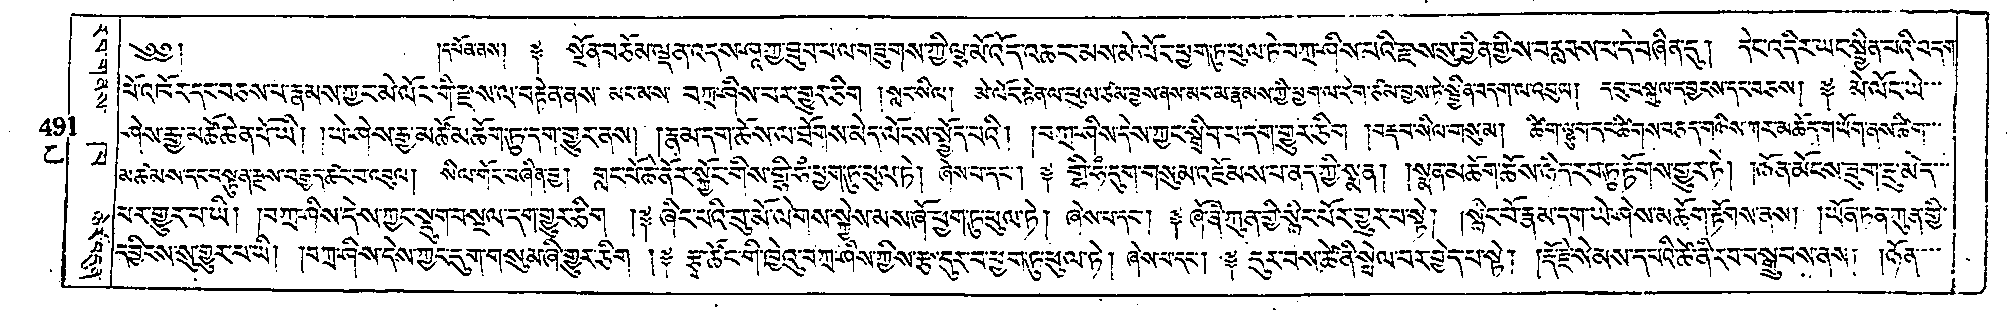༄༅། །དཔོན་ནས།  འ་སྔོན་བཅོམ་ལྡན་འདས་ཤཱཀྱ་ཐུབ་པ་ལ་གཟུགས་ཀྱི་ལྷ་མོ་འོད་འཆང་མས་མེ་ལོང་ཕྱག་ཏུ་ཕུལ་ཏེ་བཀྲ་ཤིས་པའི་རྫས་སུ་བྱིན་གྱིས་བརླབས་པ་དེ་བཞིན་དུ། དེང་འདིར་ཡང་སྦྱིན་པའི་བདག་
པོ་འཁོར་དང་བཅས་པ་རྣམས་ཀྱང་མེ་ལོང་གི་རྫས་ལ་བརྟེན་ནས་མང་མས་བཀྲ་ཤིས་པར་གྱུར་ཅིག་།སླང་སིལ། མེ་ལོང་རྟེན་ལ་ཕུལ་ཙམ་བྱས་ནས་མང་མ་རྣམས་ཀྱི་ཕྱག་ལ་རེག་ཙམ་བྱས་ཏེ་སྦྱིན་བདག་ལ་འབུལ། །དབུ་བསྐུལ་དབྱངས་དང་བཅས།  འ་མེ་ལོང་ཡེ་
ཤེས་རྒྱ་མཚོ་ཆེན་པོ་ཡི། །ཡེ་ཤེས་རྒྱ་མཚོ་མཆོག་ཏུ་དག་གྱུར་ནས། །རྣམ་དག་ཆོས་ལ་ཐོགས་མེད་ལོངས་སྤྱོད་པའི། །བཀྲ་ཤིས་དེས་ཀྱང་སྒྲིབ་པ་ད་གྱུར་ཅིག །བརྡབ་སིལ་གསུམ། ཚིགས་ལྷུག་དང་ཚིགས་བཅད་གཉིས་ཀར་མཆོད་གཡོག་ནས་ཚིག་
མཚམས་དང་བསྟུན་རྫས་བརྒྱད་ཚང་བ་འབུལ། སིལ་གོང་བཞིན་བྱ། གླང་པོ་ཆེ་ནོར་སྐྱོང་གིས་གཞི་ཧཾ་ཕྱག་ཏུ་ཕུལ་ཏེ། ཞེས་པ་དང་།  འ་གྷི་ཏཾ་དུག་གསུམ་འཇོམས་པ་ནད་ཀྱི་སྨན། །སྨན་མཆོག་ཆོས་ཉིད་རབ་ཏུ་རྟོགས་གྱུར་ཏེ། །ཉོན་མོངས་ཟུག་རྔུ་མེད་
པར་གྱུར་པ་ཡི། །བཀྲ་ཤིས་དེས་ཀྱང་སྡུག་བསྔལ་དག་གྱུར་ཅིག །འ་ཞིང་པའི་བུ་མོ་ལེགས་སྐྱེས་མས་ཞོ་ཕྱག་ཏུ་ཕུལ་ཏེ། ཞེས་པ་དང་། འ་ཞོ་ནི་ཀུན་གྱི་སྙིང་པོར་གྱུར་པ་སྟེ། །སྙིང་པོ་རྣམ་དག་ཡེ་ཤེས་མཆོག་རྟོགས་ནས། །ཡོན་ཏན་ཀུན་གྱི་
དབྱིངས་སུ་གྱུར་པ་ཡི། །བཀྲ་ཤིས་དེས་ཀྱང་དུག་གསུམ་ཞི་གྱུར་ཅིག །འ་རྩྭ་ཚོང་གི་ཁྱེའུ་བཀྲ་ཤིས་ཀྱིས་རྩ་དུར་བ་ཕྱག་ཏུ་ཕུལ་ཏེ། ཞེས་པ་དང་། འ་དུར་བས་ཚེ་ནི་སྤེལ་བར་བྱེ་དཔ་སྟེ། །རྡོ་རྗེ་སེམས་དཔའི་ཚེ་ནི་རབ་བསྒྲུབས་ནས། །ཉོན་